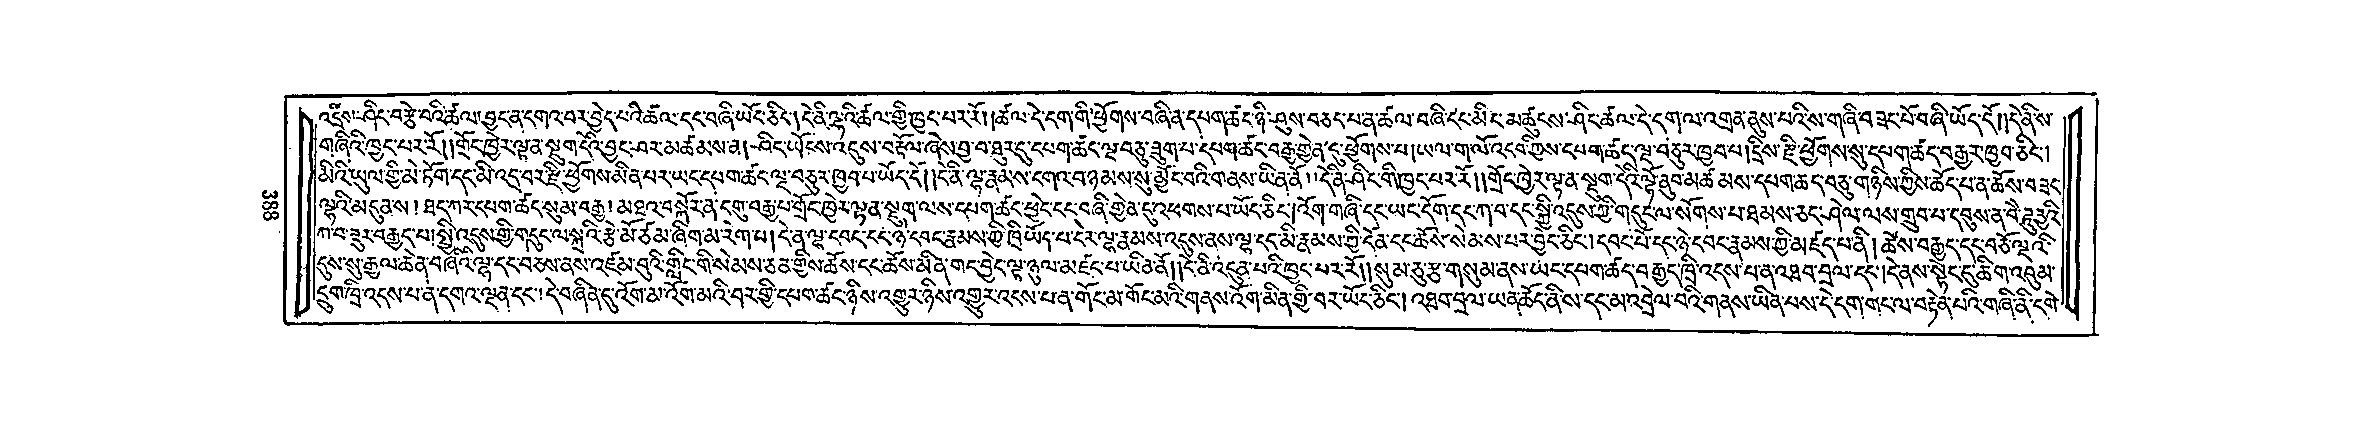འདྲིས་ཤིང་བརྩེ་བའི་ཚལ། བྱང་ན་དགའ་བར་བྱེད་པའི་ཚལ་དང་བཞི་ཡོད་ཅིང་། དེ་ནི་ལྷའི་ཚལ་གྱི་ཁྱད་པར་རོ། །ཚལ་དེ་དག་གི་ཕྱོགས་བཞི་ན་དཔག་ཚད་ཉི་ཤུས་བཅད་པ་ན་ཚལ་བཞི་དང་མིང་མཚུངས་ཤིང་ཚལ་དེ་དག་ལ་འགྲན་ནུས་པའི་ས་གཞི་བཟང་པོ་བཞི་ཡོད་དོ། །དེ་ནི་ས་
གཞིའི་ཁྱད་པར་རོ། །གྲོང་ཁྱེར་ལྟ་ན་སྡུག་དེའི་བྱང་ཤར་མཚམས་ན། ཤིང་ཡོངས་འདུས་བརྟོལ་ཞེས་བྱ་བ་ཐུར་དུ་དཔག་ཚད་ལྔ་བཅུ་ཟུག་པ་དཔག་ཚད་བརྒྱ་གྱེན་དུ་ཕྱོགས་པ། ཡལ་ག་ལོ་འདབ་ཀྱིས་དཔག་ཚད་ལྔ་བཅུར་ཁྱབ་པ། དྲིས་རྫི་ཕྱོགས་སུ་དཔག་ཚད་བརྒྱར་ཁྱབ་ཅིང་།
མིའི་ཡུལ་གྱི་མེ་ཏོག་དང་མི་འདྲ་བར་རྫི་ཕྱོགས་མིན་པར་ཡང་དཔག་ཚད་ལྔ་བཅུར་ཁྱབ་པ་ཡོད་དོ། །དེ་ནི་ལྷ་རྣམས་དགའ་བ་ཉམས་སུ་མྱོང་བའི་གནས་ཡིན་ནོ། །དེ་ནི་ཤིང་གི་ཁྱད་པར་རོ། །གྲོང་ཁྱེར་ལྟ་ན་སྡུག་དེའི་ལྷོ་ནུབ་མཚམས་དཔག་ཚད་བཅུ་གཉིས་ཀྱིས་ཆོད་པ་ན་ཆོས་བཟང་
ལྷའི་མདུན་ས། ཐད་ཀར་དཔག་ཚད་སུམ་བརྒྱ། མཐའ་བསྐོར་ན་དགུ་བརྒྱ་པ་གྲོང་ཁྱེར་ལྟ་ན་སྡུག་ལས་དཔག་ཚད་ཕྱེད་དང་བཞི་གྱེན་དུ་འཕགས་པ་ཡོད་ཅིང་། འོག་གཞི་དང་ཡང་དོག་དང་ཀ་བ་དང་སྐྱི་འདུས་ཀྱི་གདུང་ལ་སོགས་པ་ཐམས་ཅད་ཤེལ་ལས་གྲུབ་པ་དབུས་ན་བཻ་ཌཱུ་རྱའི་
ཀ་བ་ཟུར་བརྒྱད་པ། སྤྱི་འདུས་ཀྱི་གདུང་ལ་སྐྲའི་རྩེ་མོ་ཙམ་ཞིག་མ་རེག་པ། དེ་ན་ལྷ་དབང་དང་ཉེ་དབང་རྣམས་ཀྱི་ཁྲི་ཡོད་པ་དེར་ལྷ་རྣམས་འདུས་ནས་ལྷ་དང་མི་རྣམས་ཀྱི་དོན་དང་ཆོས་སེམས་པར་བྱེད་ཅིང་། དབང་པོ་དང་ཉེ་དབང་རྣམས་ཀྱི་མཛད་པ་ནི། ཚེས་བརྒྱད་དང་བཅོ་ལྔའི་
དུས་སུ་རྒྱལ་ཆེན་བཞིའི་ལྷ་དང་བཅས་ནས་འཛམ་བུའི་གླིང་གི་སེམས་ཅན་གྱིས་ཆོས་དང་ཆོས་མིན་གང་བྱེད་ལྟ་ཉུལ་མཛད་པ་ཡིན་ནོ། །དེ་ནི་འདུན་པའི་ཁྱད་པར་རོ། །སུམ་ཅུ་རྩ་གསུམ་ནས་ཡང་དཔག་ཚད་བརྒྱད་ཁྲི་འདས་པ་ན་འཐབ་བྲལ་དང་། དེ་ནས་སྟེང་དུ་ཆིག་འབུམ་
དྲུག་ཁྲི་འདས་པ་ན་དགའ་ལྡན་དང་། དེ་བཞིན་དུ་འོག་མ་འོག་མའི་བར་གྱི་དཔག་ཚད་ཉིས་འགྱུར་ཉིས་འགྱུར་འདས་པ་ན་གོང་མ་གོང་མའི་གནས་འོག་མིན་གྱི་བར་ཡོད་ཅིང་། འཐབ་བྲལ་ཡན་ཆོད་ནི་ས་དང་མ་འབྲེལ་བའི་གནས་ཡིན་པས་དེ་དག་གང་ལ་བརྟེན་པའི་གཞི་ནི་དགེ་